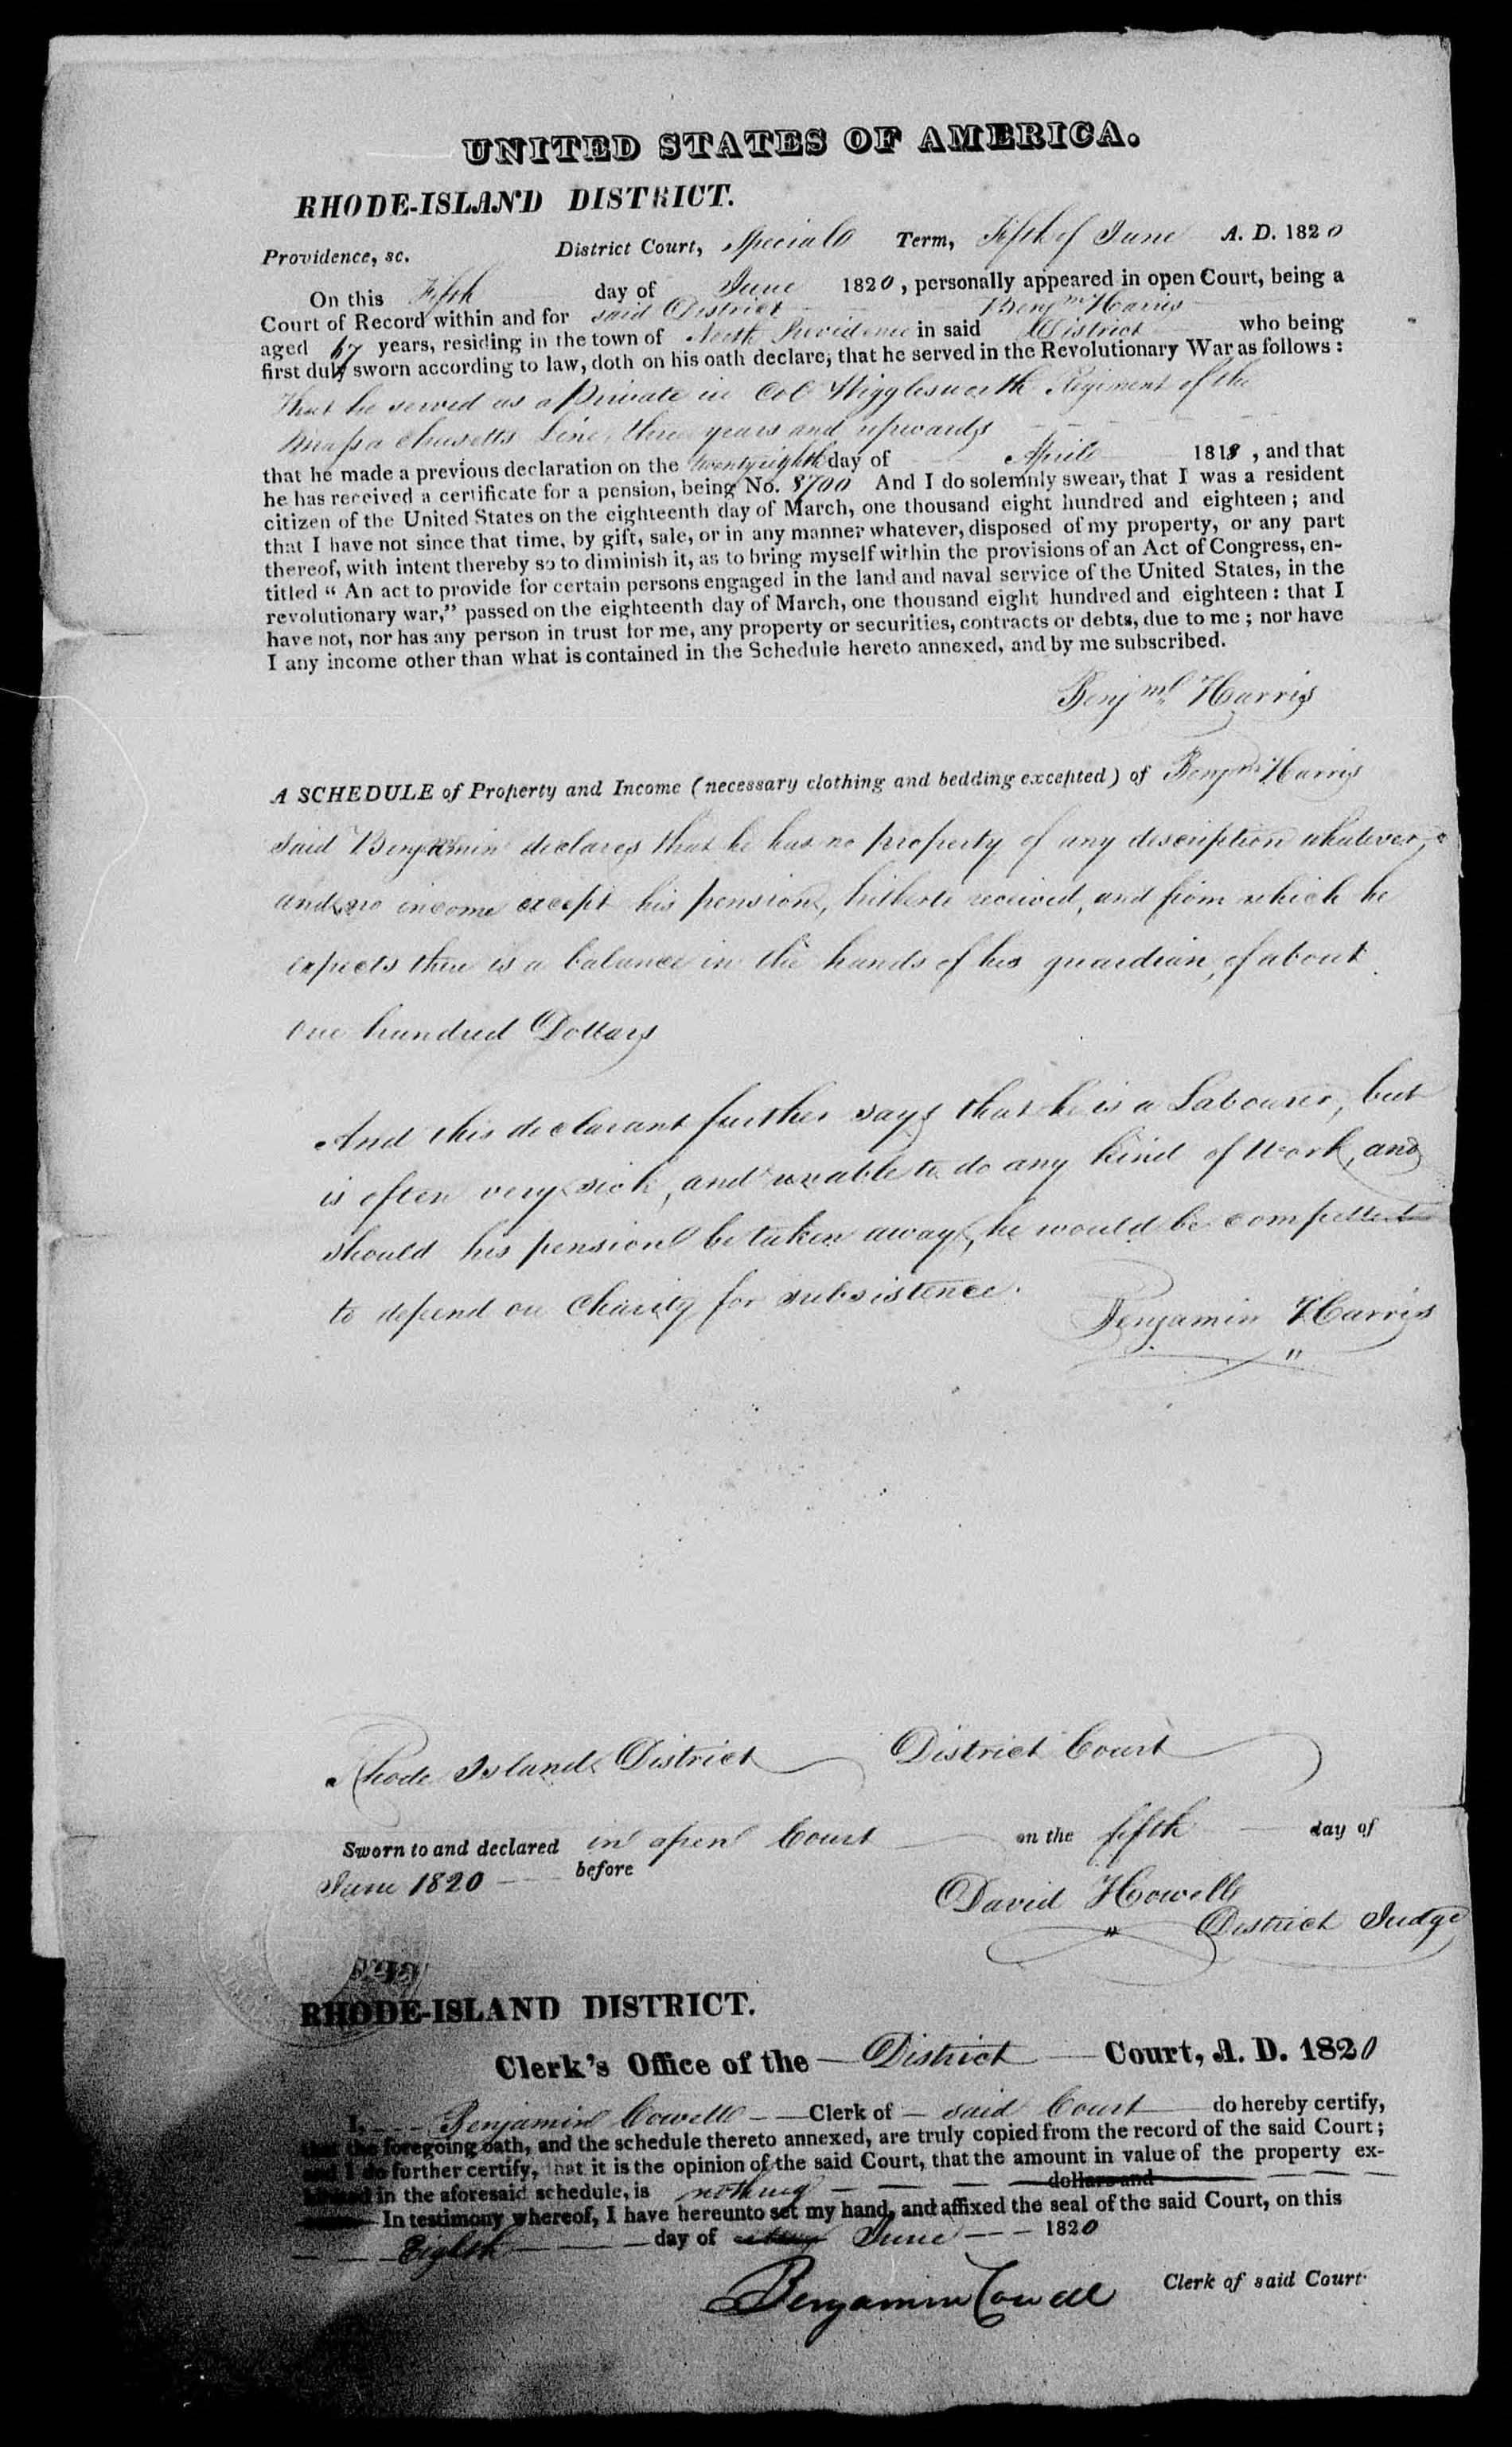UNITED STATES OF AMERICA. 

RHODE-ISLAND DISTRICT.

Providence, sc.        District Court, Special  Term, Fifth of June   A.D.  1820 

On this Fifth day of June  1920, personally appeared in open Court, being a 

Court of Record within and for said District  Benjmn  Harris 

aged 67 years, residing in the town of South Providence in said District who being 

first duly sworn according to law, doth on his 
oath declare, that he served in the Revolutionary War as follows:  

That he served as a Private in Col.  Migglesworth Regiment of the 

Massachusetts Line, three years and upwards

that he made a previous declaration on the twenty eighth day of April 1818 , and that 

he has received a certificate for a pension, being NO. 8700  And I do solemnly swear, that I was a resident

citizen of the United States on the eighteenth day of March, one thousand eight hundred and eighteen; and  

that I have not since that time, by gift, sale, or in any manner whatever, disposed of my property, or any part

thereof, with intent thereby to so diminish it, as to bring myself within the provisions of an Act of Congress, entitled

``An act to provide for certain persons engaged in the land and naval service of the United States, in the revolutionary war,''  passed on the eighteenth day of March, one thousand eight hundred and eighteen: that I 

have not, nor has any person in trust for me, any property or securities, contracts or debts, due to me;  nor have

I any income other than what is contained in the Schedule hereto annexed, and by me subscribed. 

Benjmn  Harris

A SCHEDULE of Property and Income (necessary clothing and bedding excepted) of Benjmn Harris

Said Benjamin declares that he has no property of any description whatever, 

and no income except his pension,  hitherto received, and from which he

expects there is a balance in the hands of his guardian, of about 

one hundred Dollars

And this declaration further says that he is a Labourer, but 

is often very sick, and unable to do any kind of work, and 

should his pension be taken away, he would be compelled 

to depend on charity for subsistence. 

Benjamin Harris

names: Benjamin Cowell, Benjam, Benjm Harris, Benjamin Cowell, Benjamin Harris, Benjm Harris, Benjm Harris, David Howell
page: 8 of 62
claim: survivor's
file: S. 38816, Benjamin Harris, Mass.